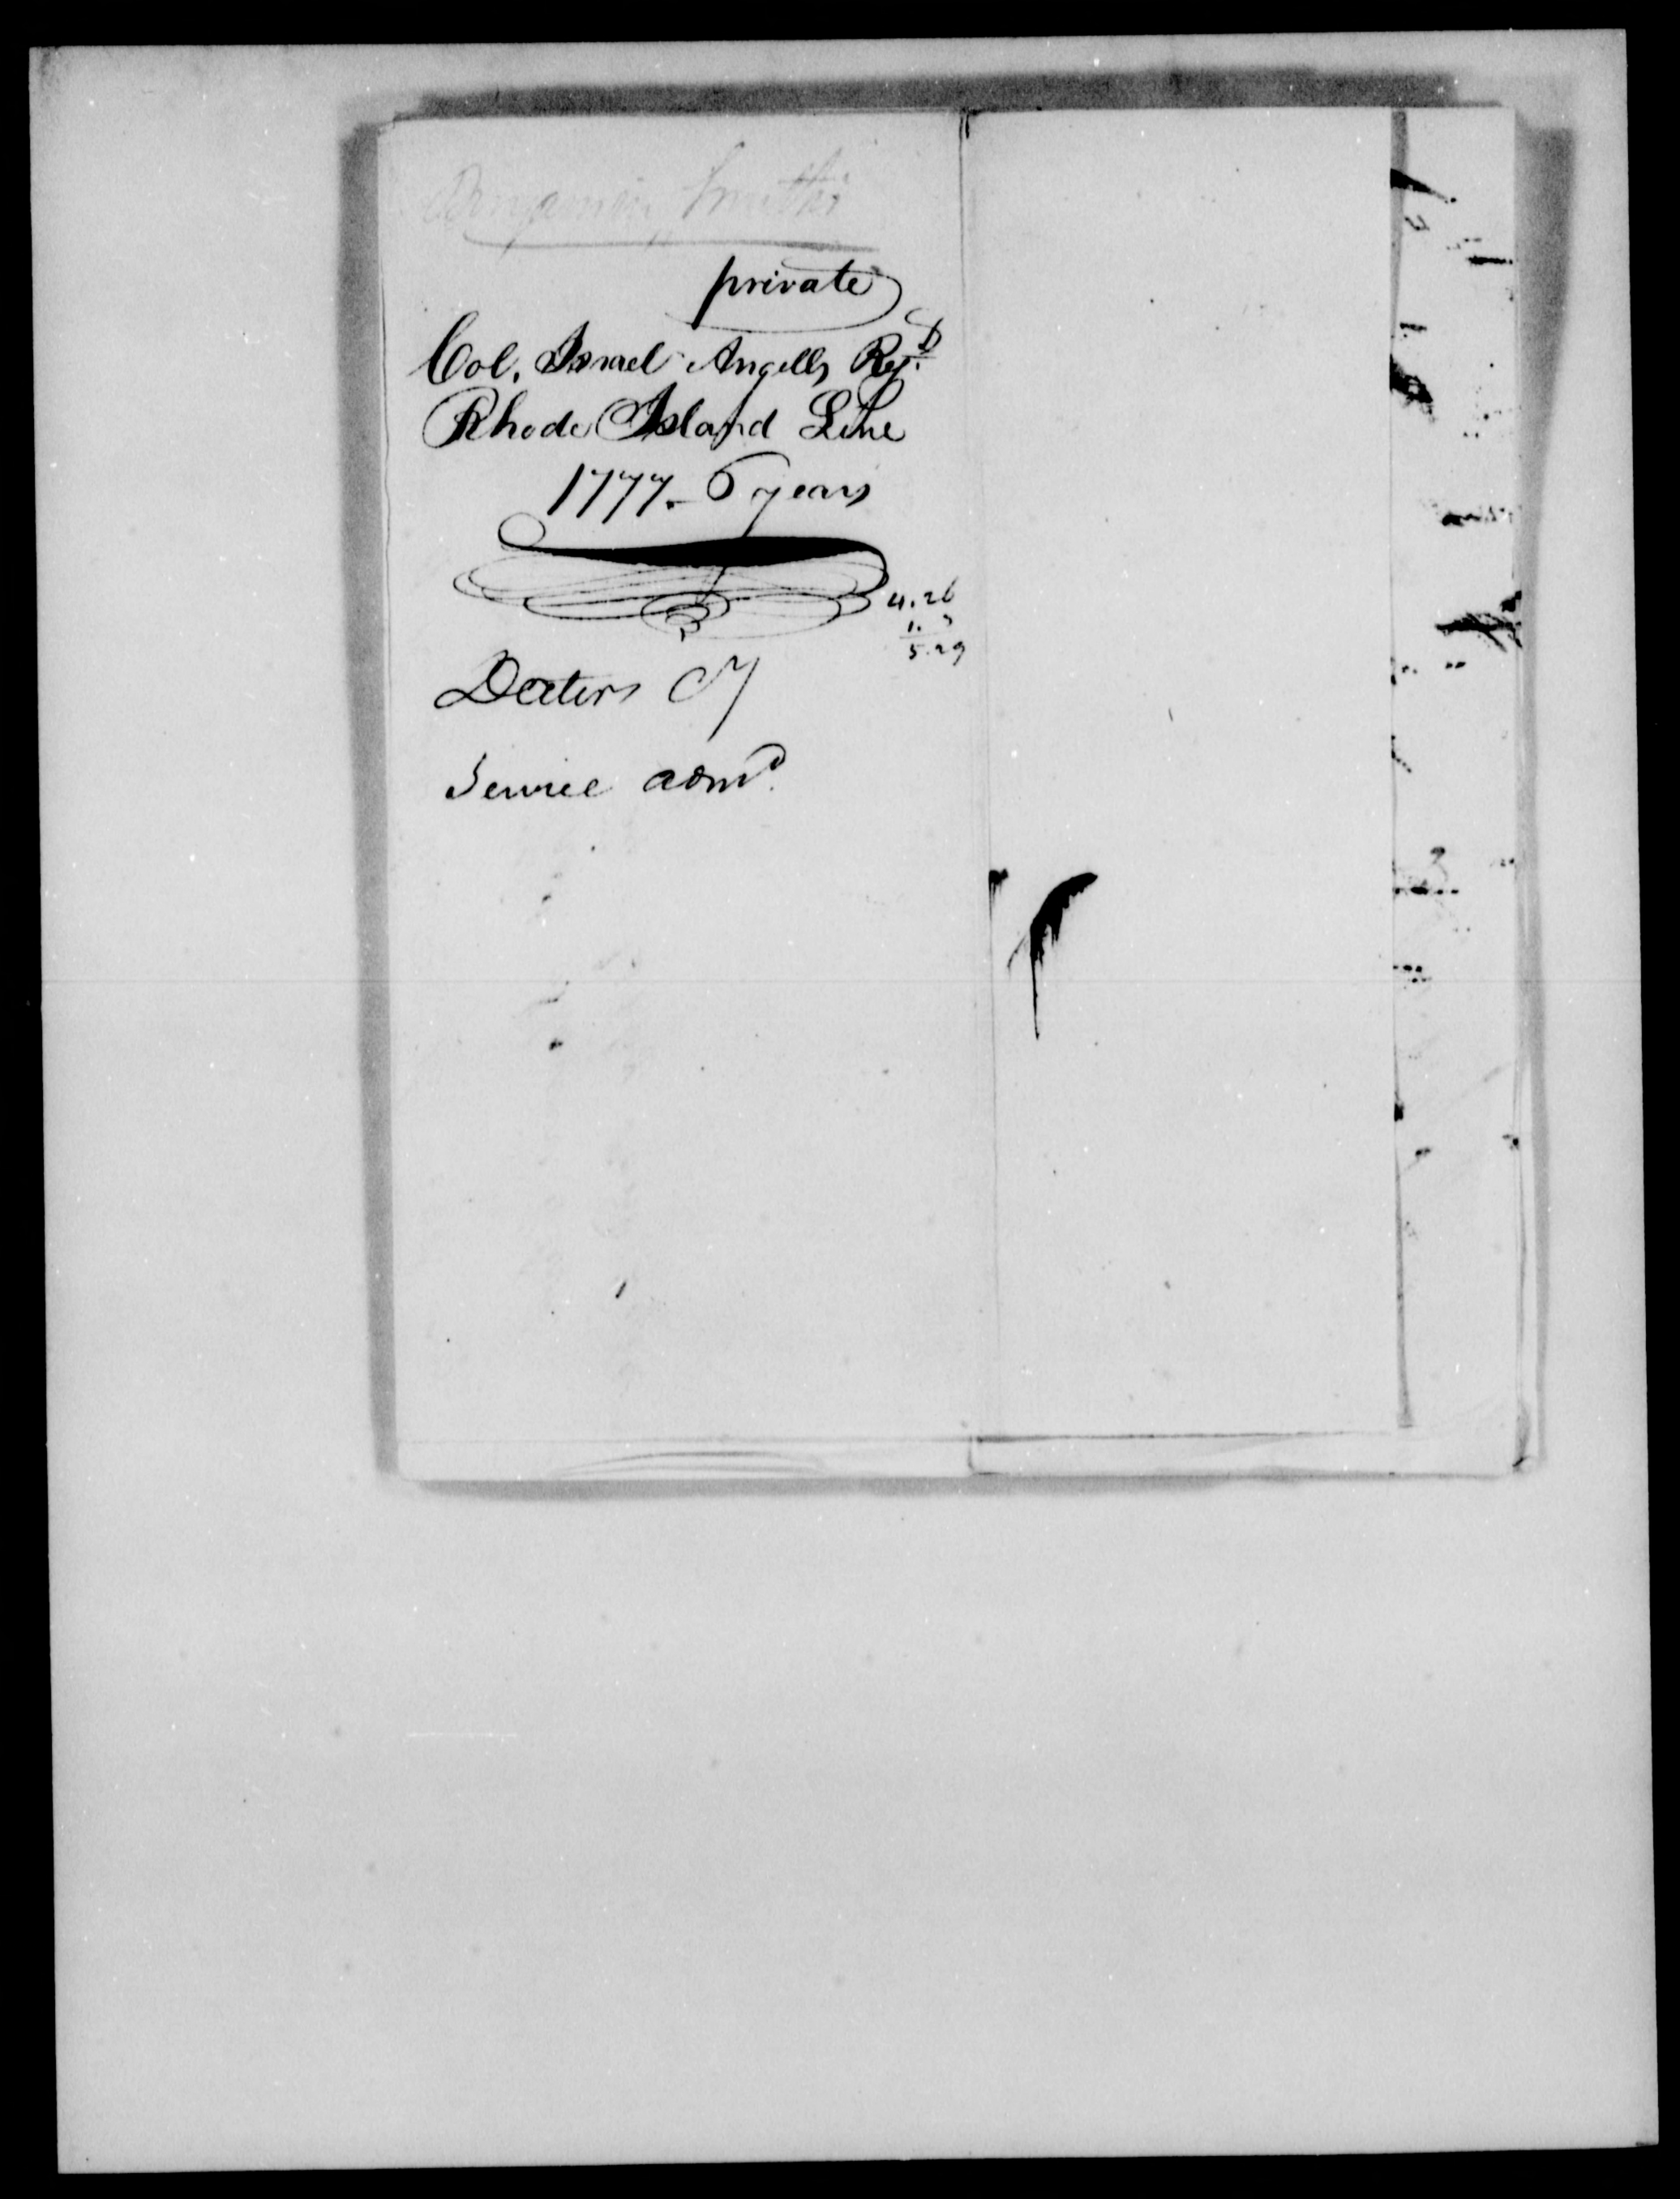private
1777- 6 years
Col. Samuel Angells Ret
Rhode Island Line
Datin M
4.26
1.5
5.29
Service admd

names: Benjamin Smith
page: 4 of 16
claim: survivor's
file: S. 42341, for Benjamin Smith, Rhode Island